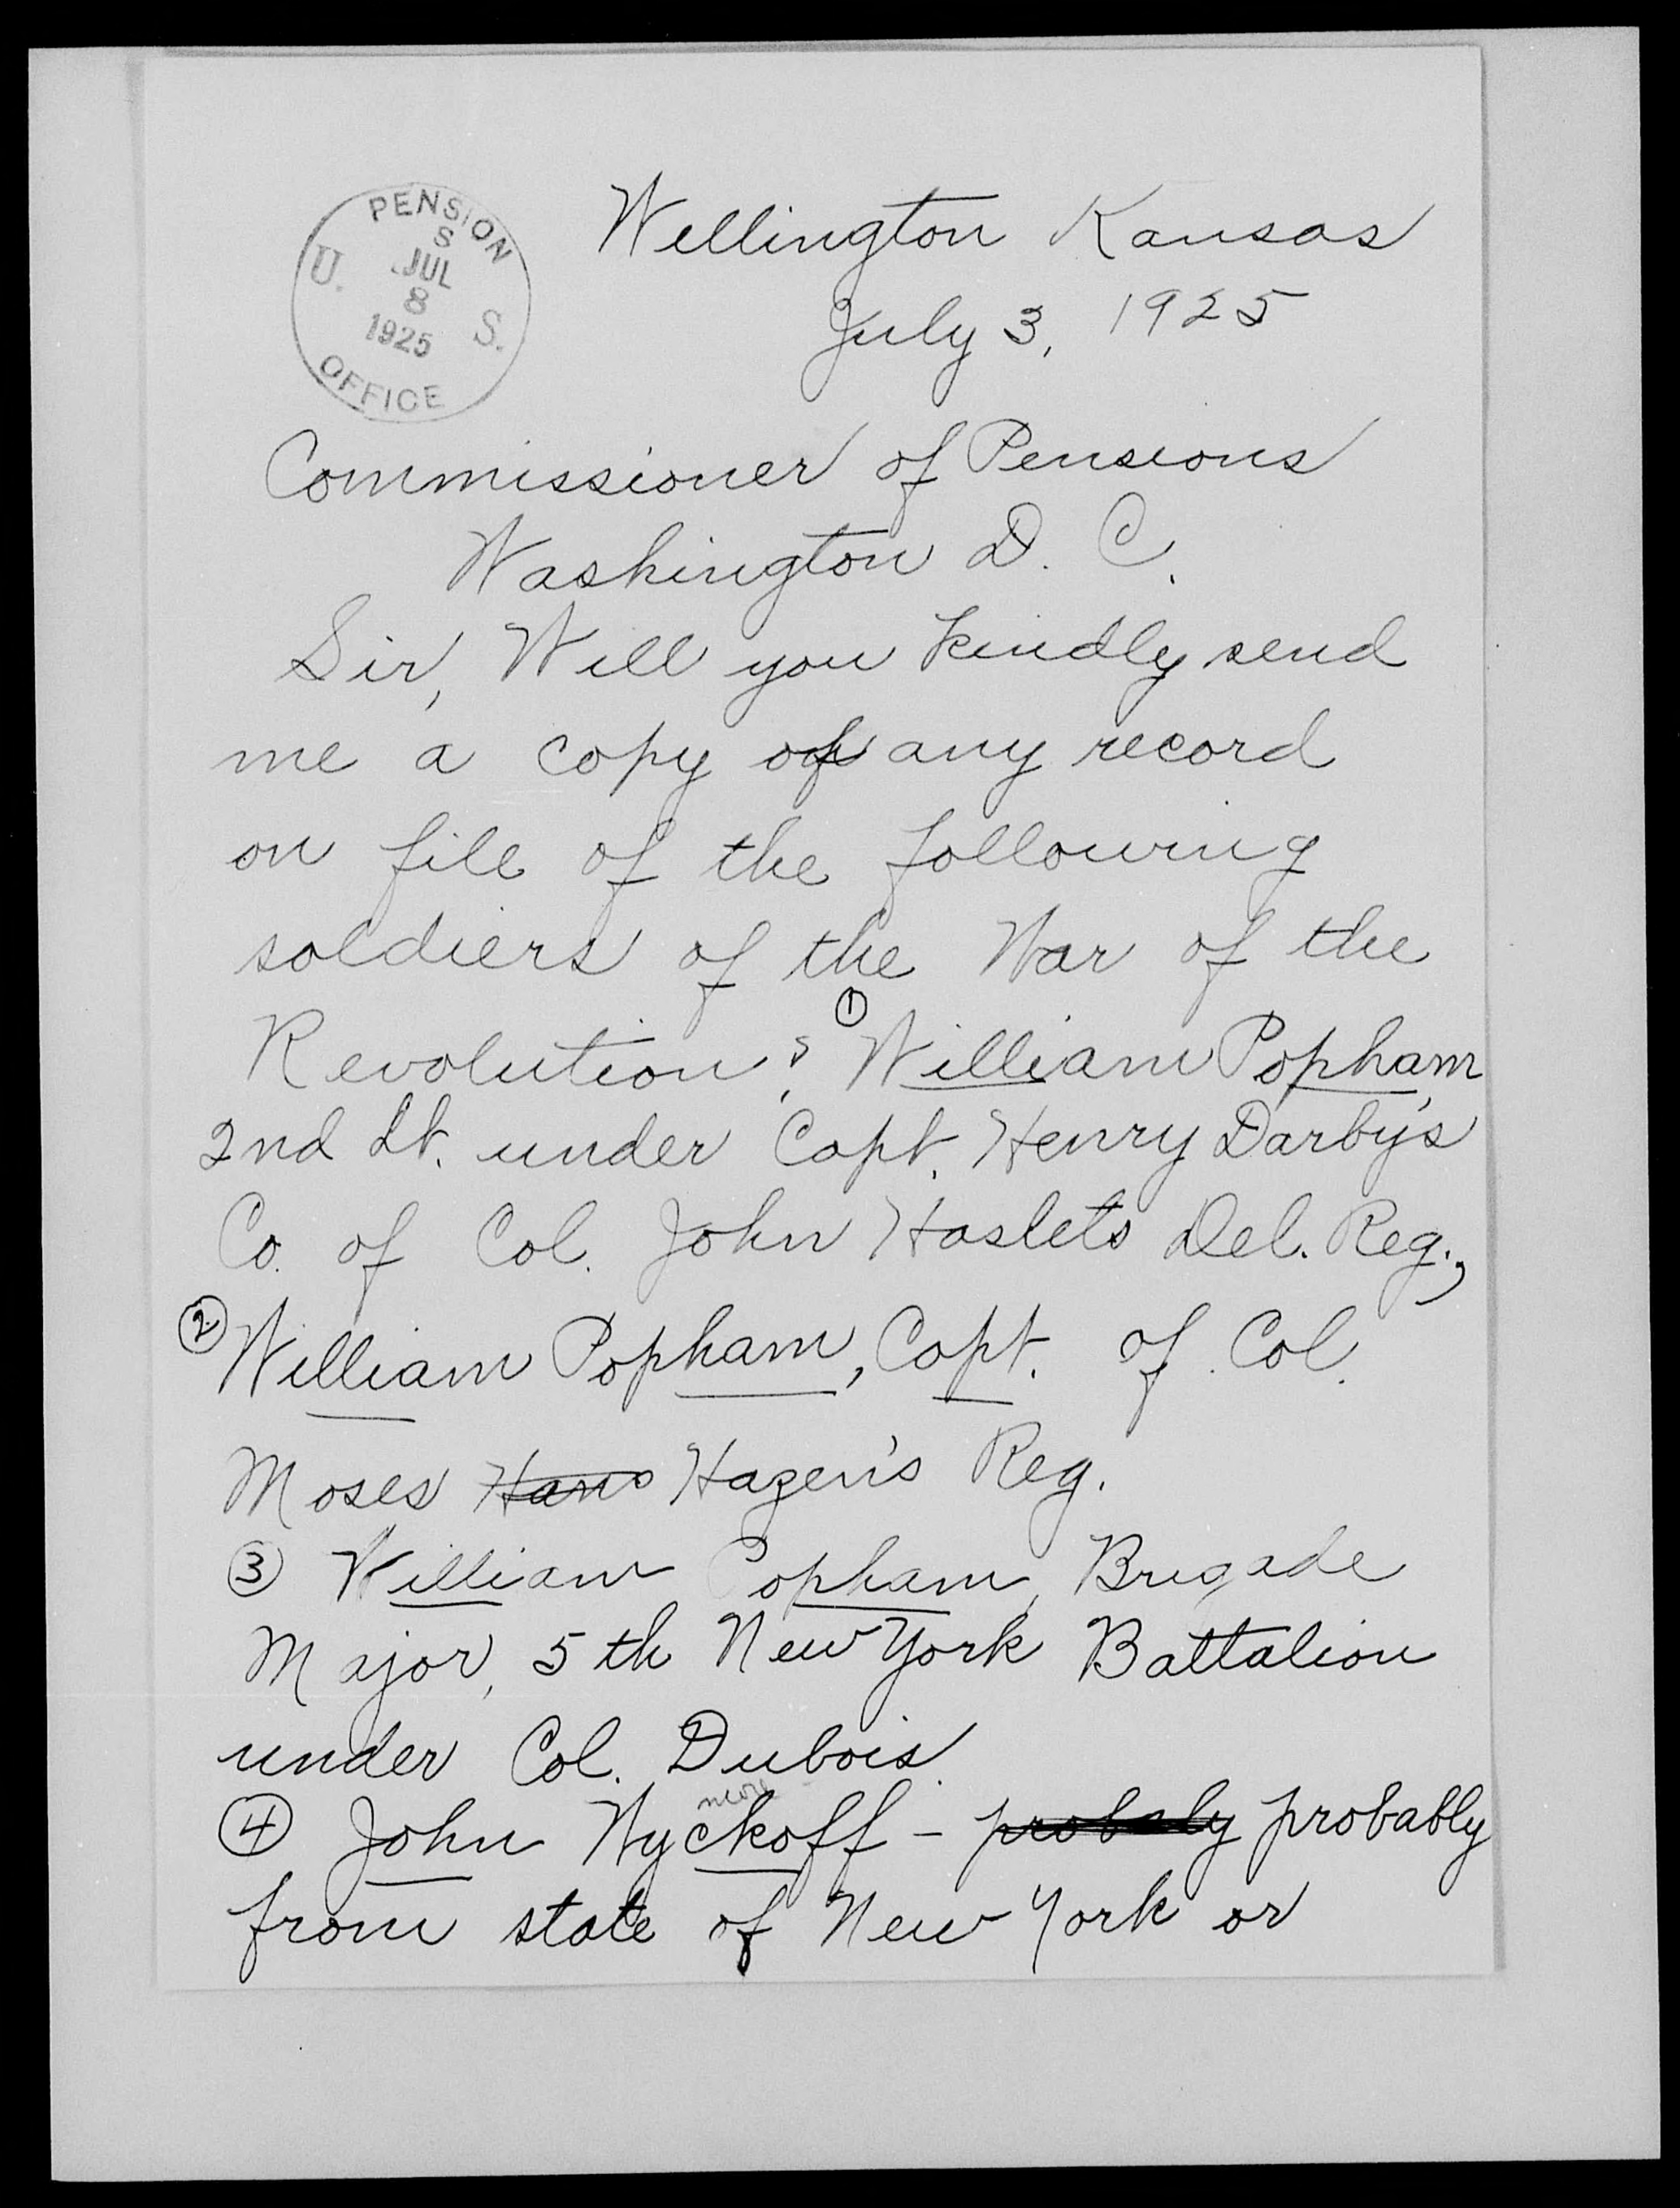[Black Stamp] PENSIONS OFFICE U.S. S JUL 8 1925
Wellington Kansas
July 3 1925
Commissioner of Pensions
Washington D.C.
Sir, Will you kindly send
me a copy of any record
on file of the following
soldiers of the War of the
Revolution? 1[# circled]. William Popham
2nd Lt. under Capt. Henry Darby's
Co. of Col. John Haslets Del. Reg.
2.[# circled] William Popham, Capt. of Col. Moses [Hano crossed out] Hazen's Reg. 3.[# circled] William Popham, Brigade Major, 5th New York Battalion under Col. Dubois 4. [# circled] John Wyckoff - [probaly crossed out] probably from state of New York or
neou-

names: [BLANK] Dubois; William Popham; John Wyckoff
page: 17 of 75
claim: survivor's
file: S. 9989, for William Popham, Delaware